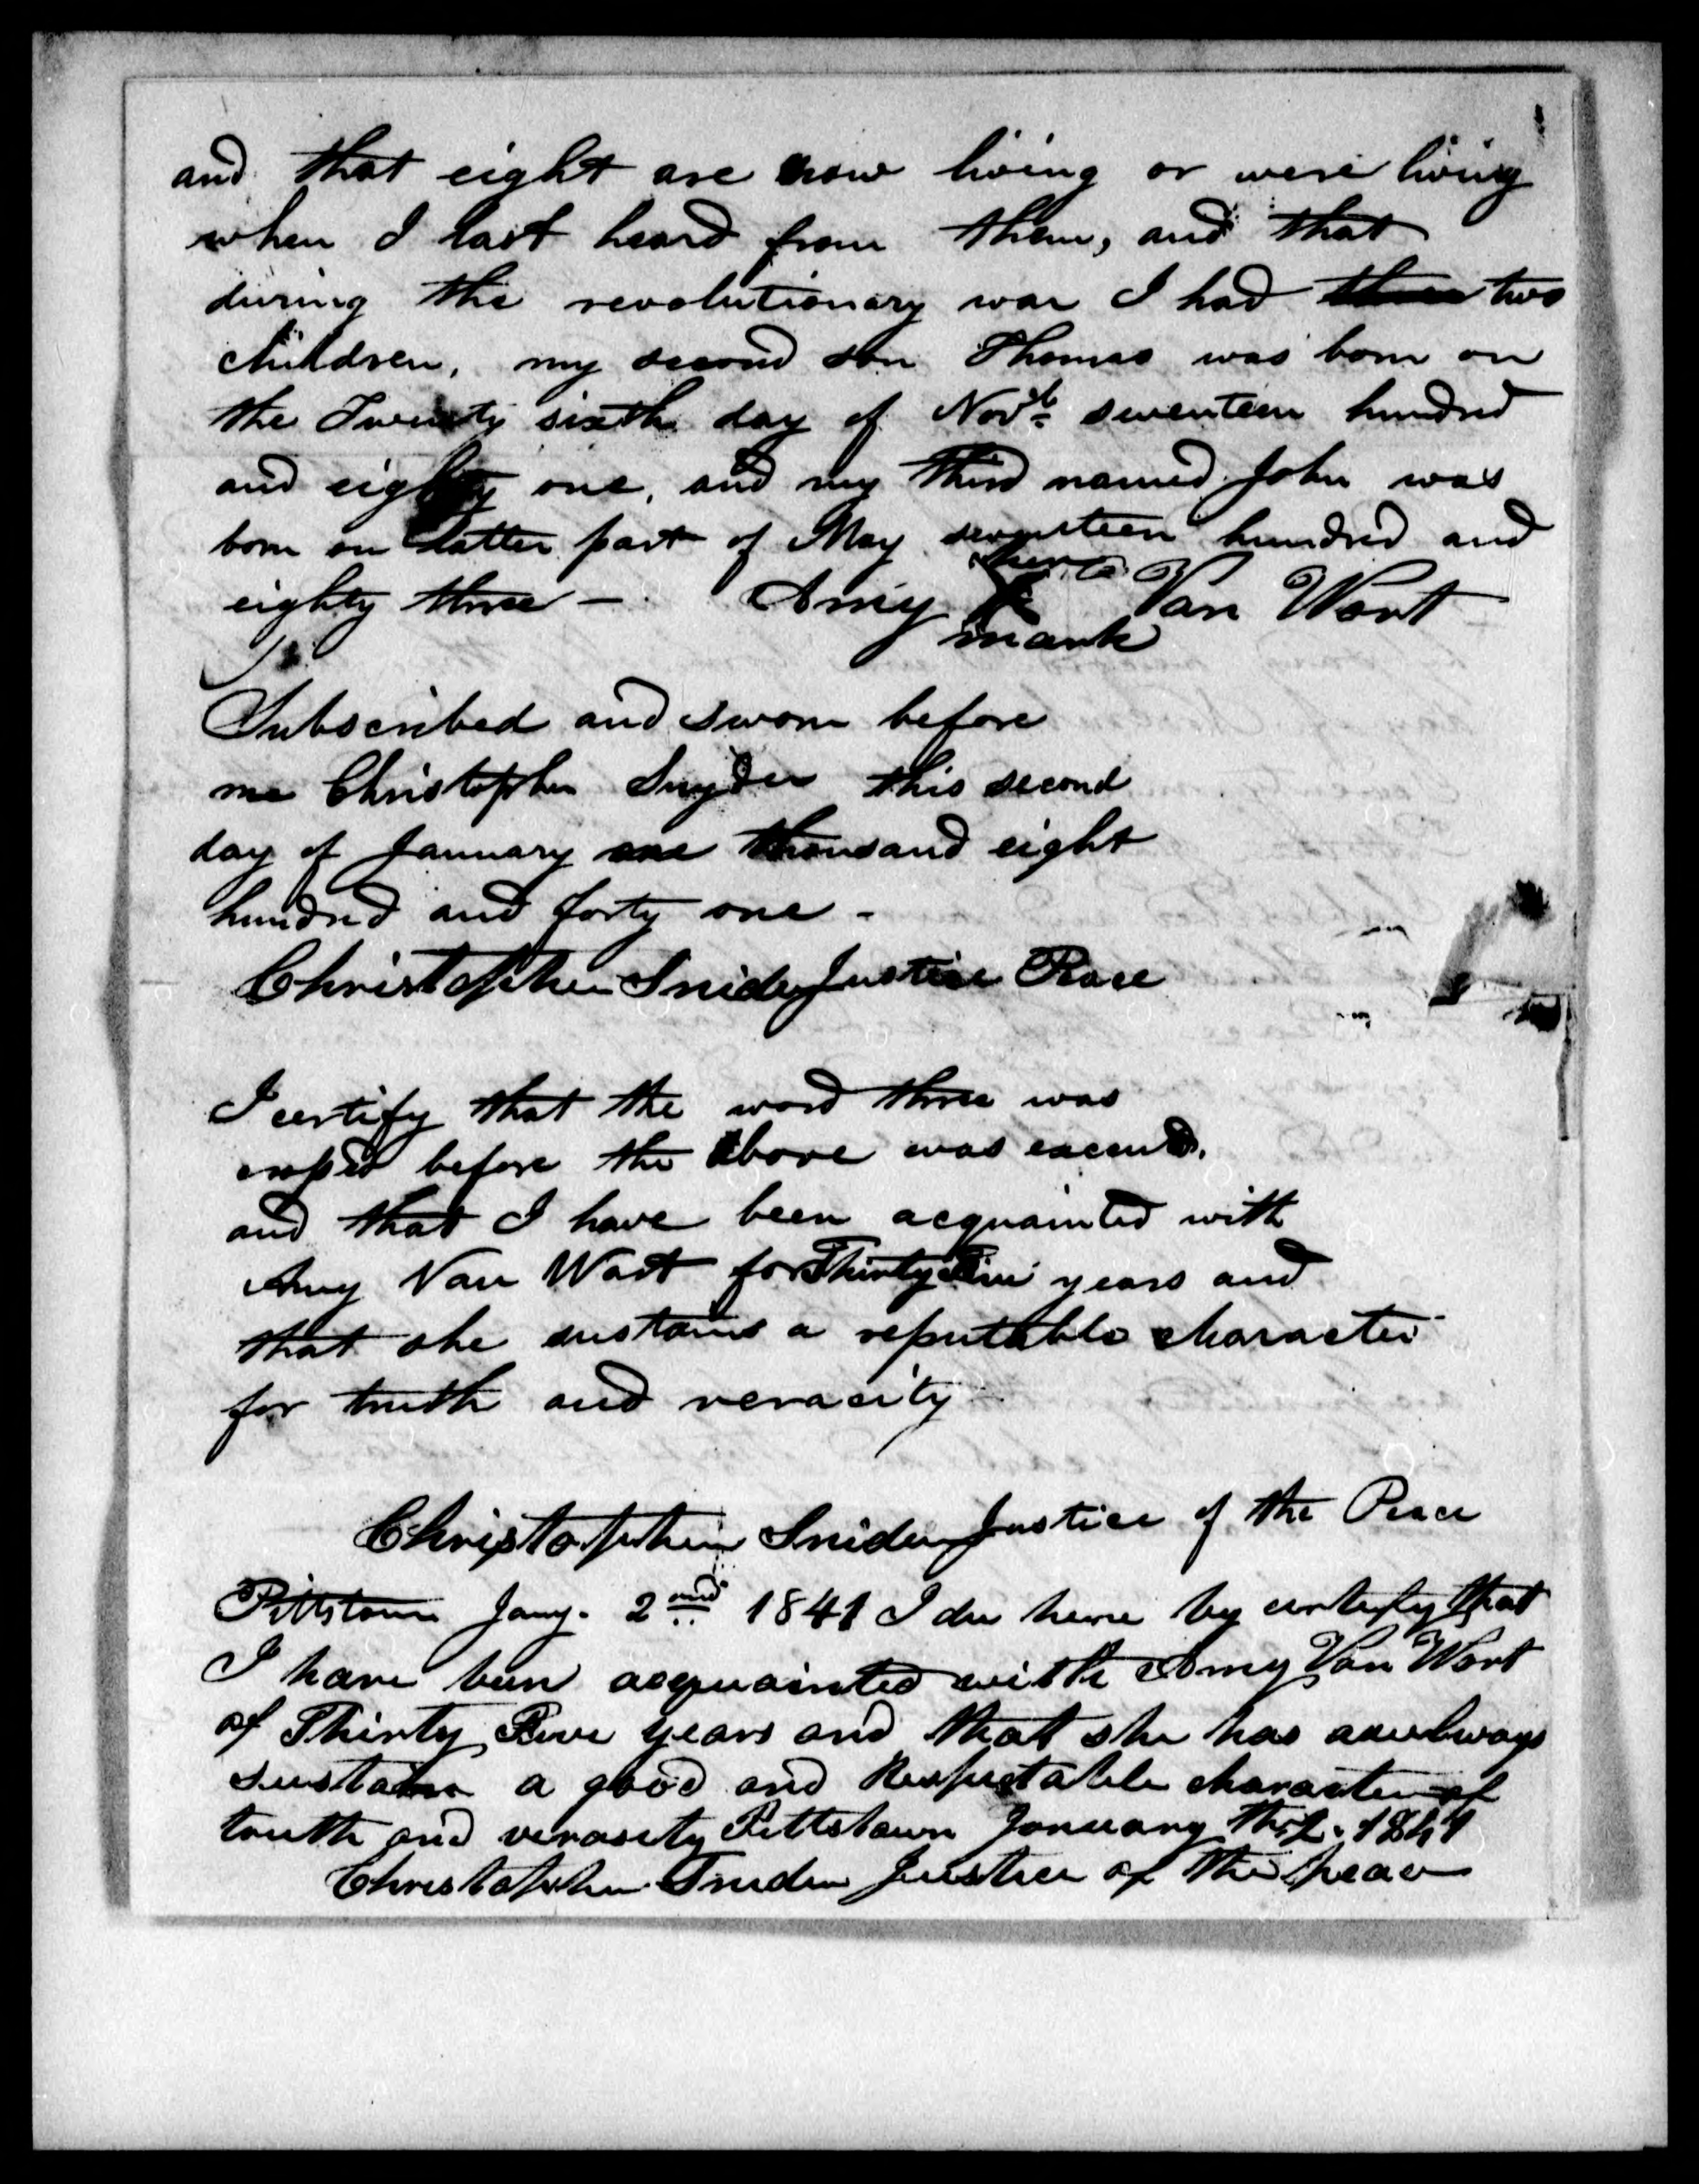and that eight are now living or were living when I last heard from them, and that during the revolutionary war I had two children, my second son Thomas was born on the Twenty sixth day of Nov. seventeen hundred and eighty one, and my third named John was born in latter part of May seventeen hundred and eighty three.  

Amy Van Wart
(her mark)

Subscribed and sworn before me Christopher Snyder this second day of January one thousand eight hundred and forty one.

Christopher Snyder  Justice Peace

I certify that the word three was erassed before the above and was (illegible) and that I have been acquainted with Amy Van Wart for Thirty five years and that she sustains a reputable character for truth and veracity

Christopher Snider Justice of the Peace Pittstown January 2nd 1841  I do here by certify that I have been acquainted with Amy Van Wart of Thirty Five years and that she has always sustained a good and respectable character of truth and verasity  Pittstown January 2, 1841

Christopher Snider Justice of the Peace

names: Amy Van Wart, John, Christopher Snider, Christopher Snider, Amy Van Wart, Amy Van Wart, Christopher Snyder, Christopher Snider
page: 15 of 102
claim: widow's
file: W. 18239, Isaac Van Wart, New York